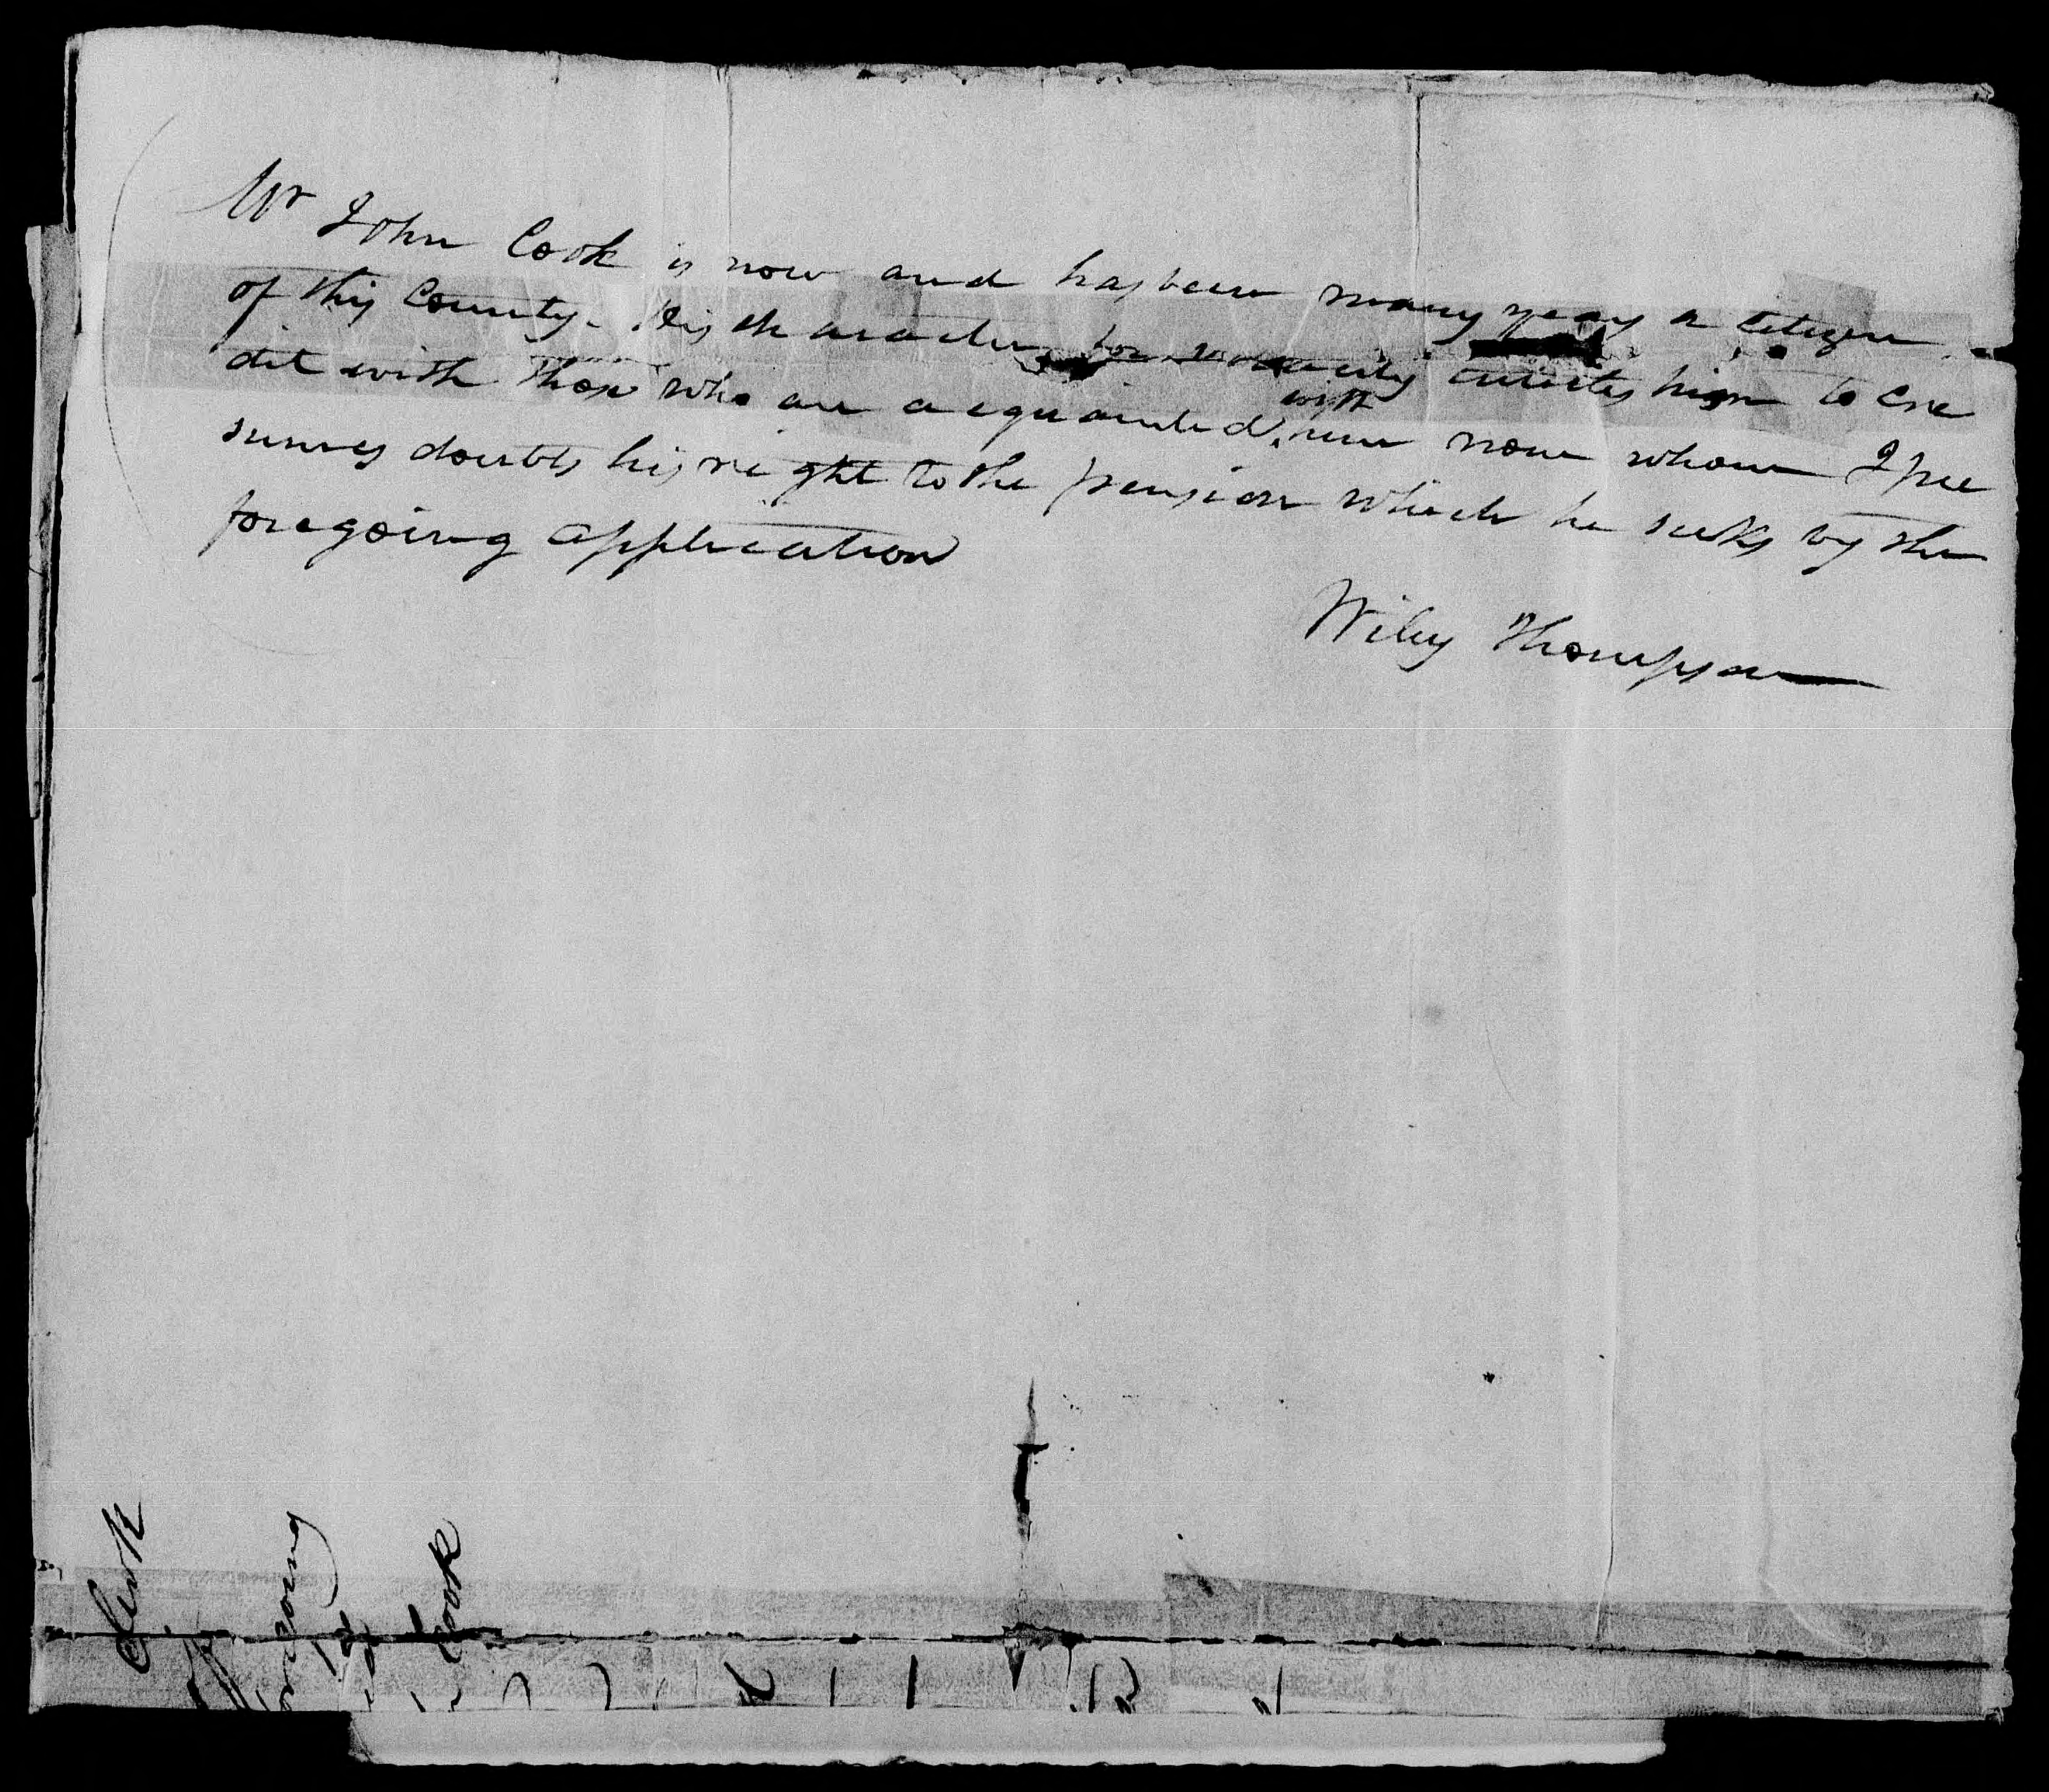Mr John Cook is now and has been many years a citizen of this county. His character [illegible] high credit with those who are acquainted with him none whom I presume doubt his right to the pension which he seeks by the foregoing application
Wiley Thompson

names: John Cook, Wiley Thompson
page: 6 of 18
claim: survivor's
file: S. 16,343, John Cook, N.C.